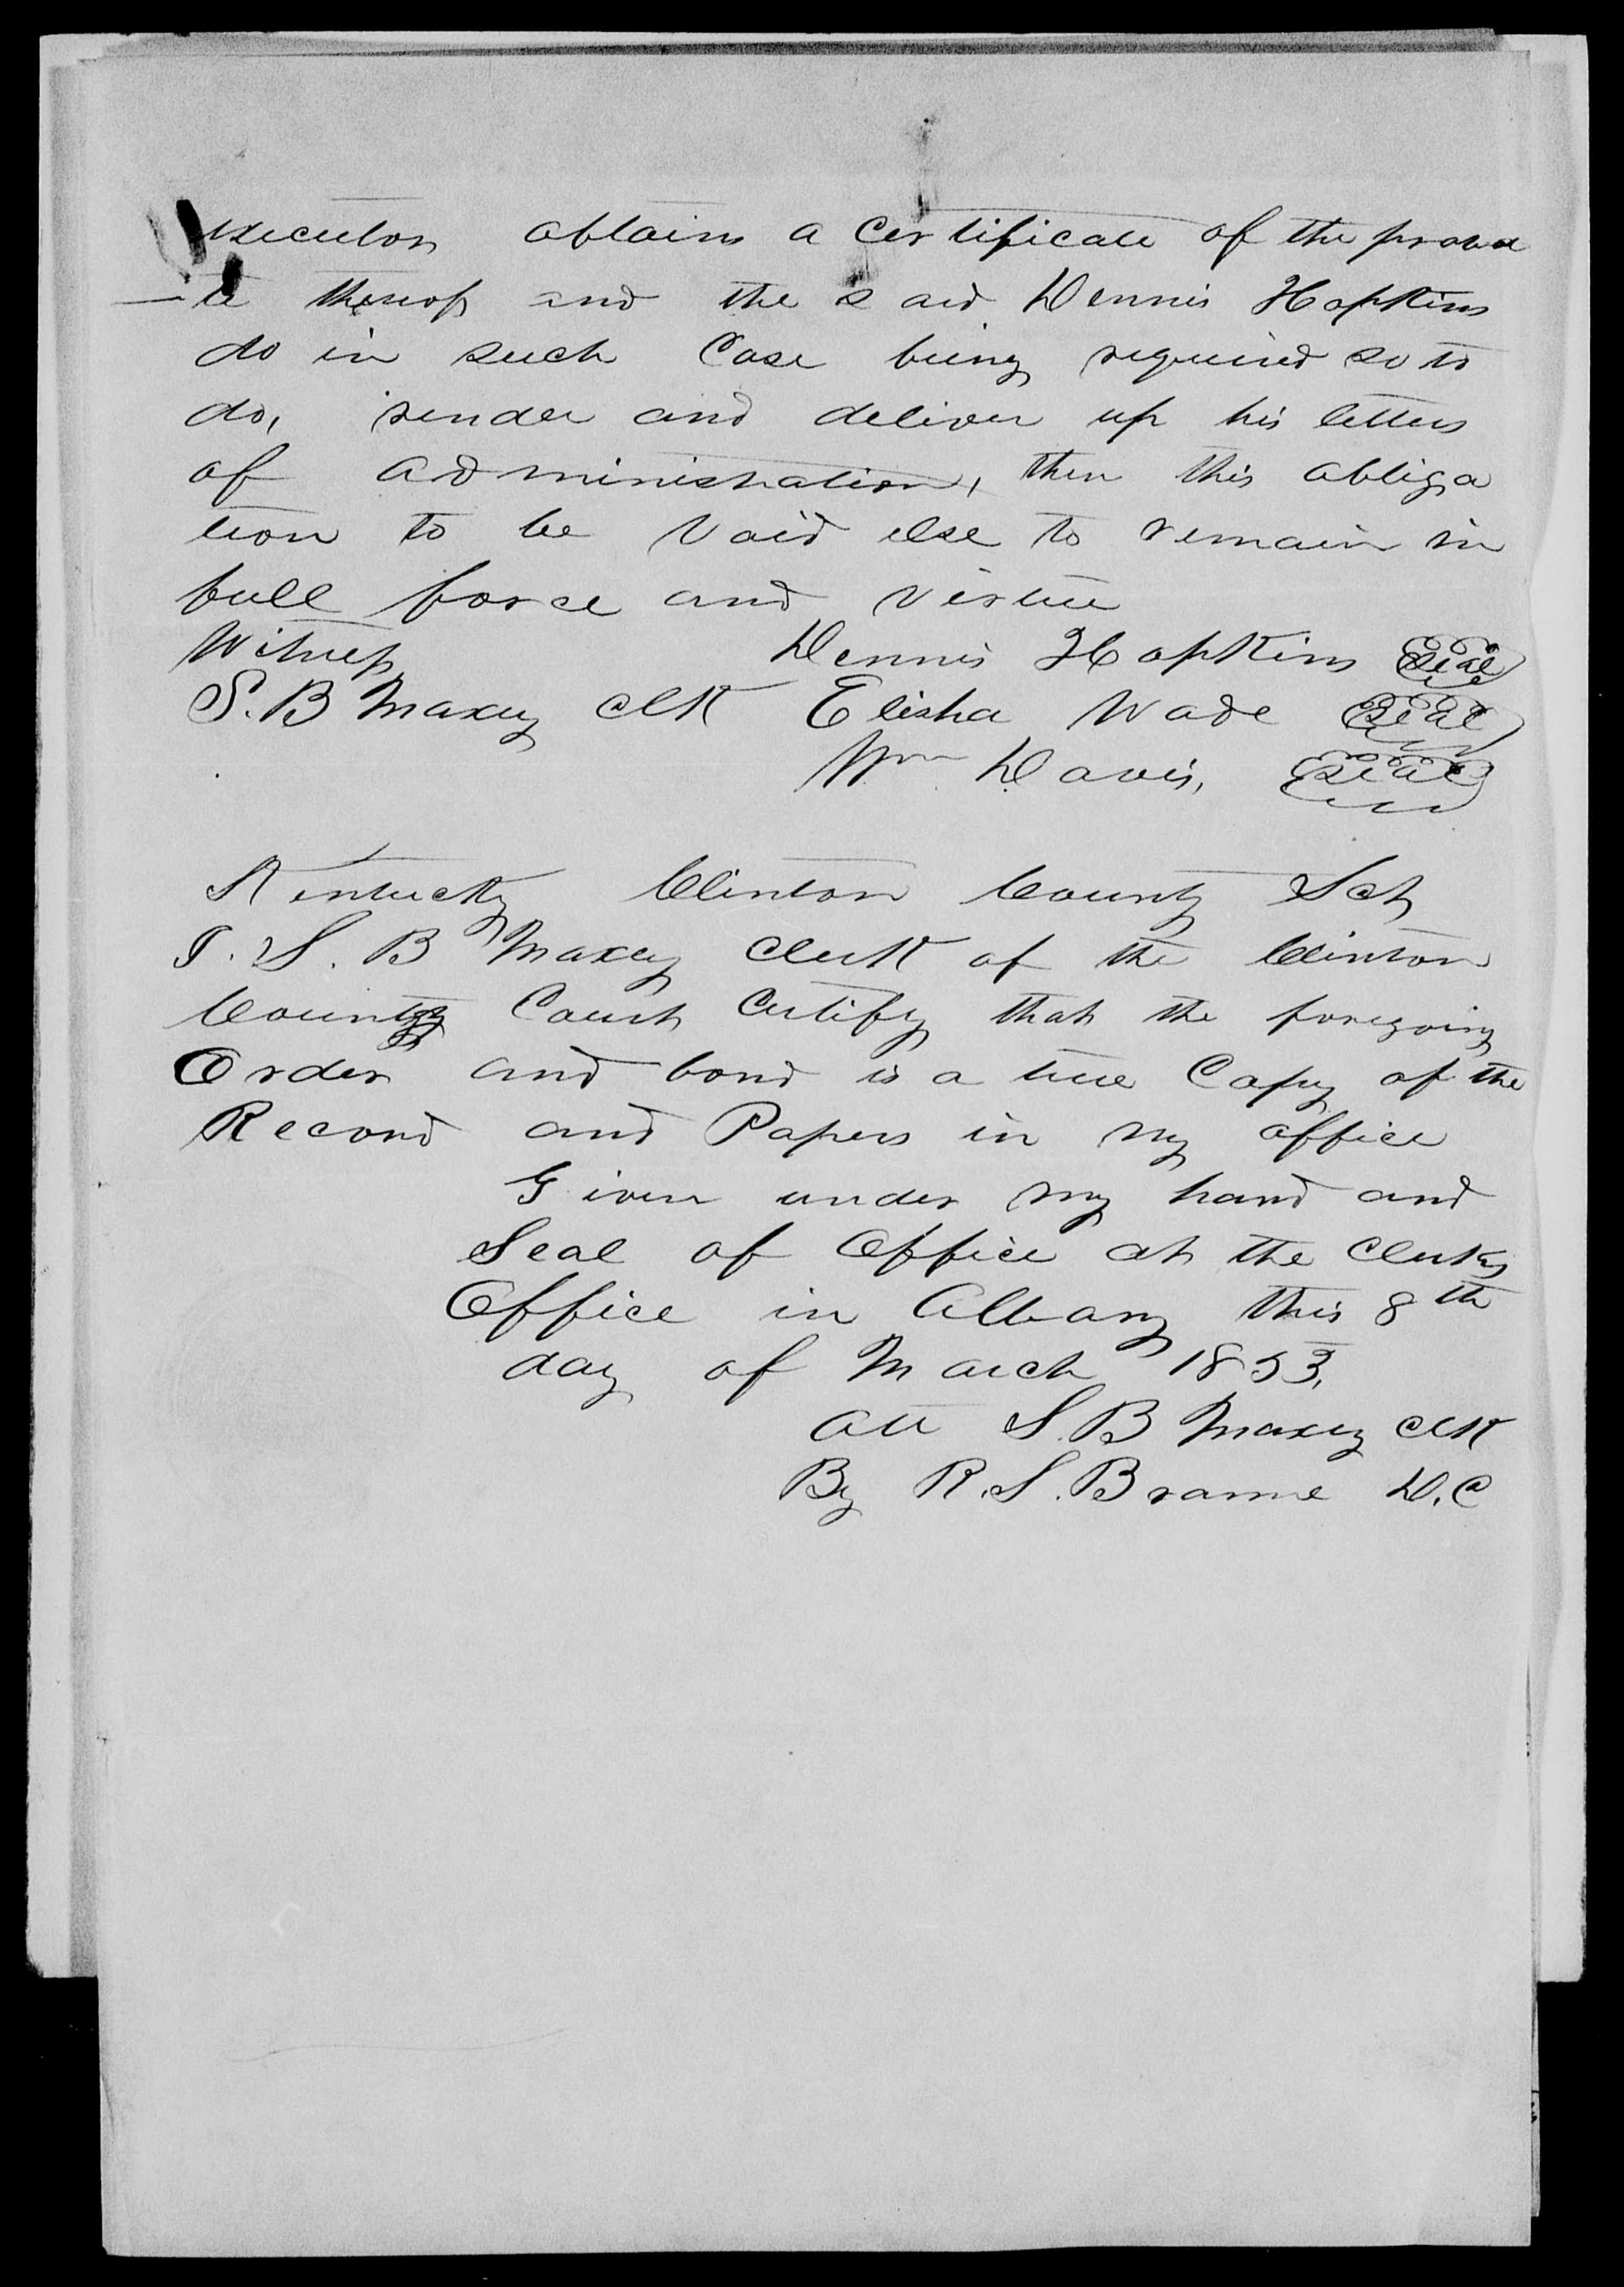executor obtain a certificate of the probate thereof and the said Dennis Hopkins do in such case being required so to do, render and deliver up his letters of Administration, then this obligation to be said else to remain in full Witness force and virtue
Witness     Dennis Hopkins ℗
S. B Maxey Clk    Elisha Wade ℗
Wm Davis ℗

Kentucky
Clinton County Sct
I J. S. Maxey Clerk of the Clinton County Court certify that the foregoing Order and bond is a true Copy of the Record and papers in my office
Given under my hand and
Seal of Office at the Clerk
Office in Albany this 8th
of March 1853
att S. Maxey Clk
By R. S. Branne D.C.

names: Wm Davis, Elisha Wade, Dennis Hopkins, S B Maxey, R S Branne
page: 27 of 144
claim: rejected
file: R. 5208, Dennis Hopkins, N.C.